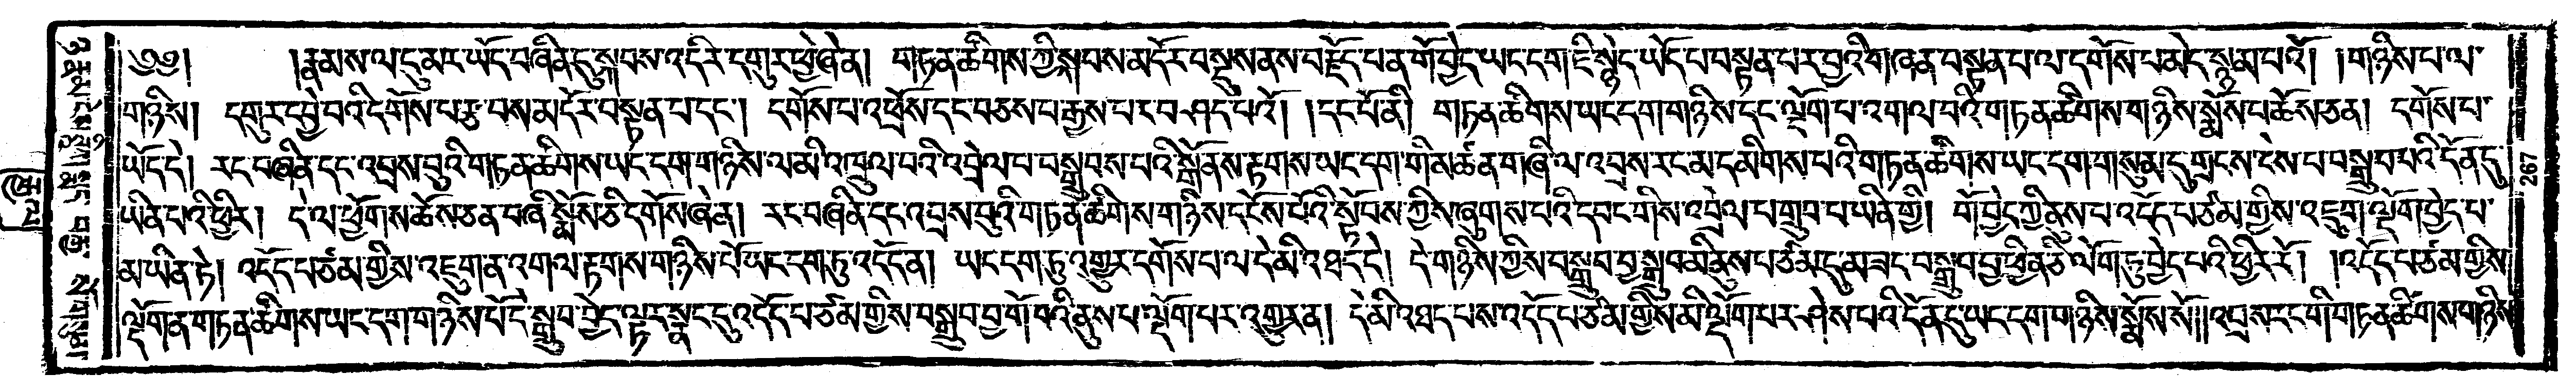༄༅། །རྣམས་ལ་དུ་མར་ཡོད་བཞིན་དུ་སྐབས་འདིར་དགུར་ཕྱེ་ཞེ་ན། གཏན་ཚིགས་ཀྱི་སྐབས་མདོར་བསྡུས་ནས་བརྗོད་པ་ན་གོ་བྱེད་ཡང་དག་ཇི་སྙེད་ཡོད་པ་བསྟན་པར་བྱའི་གཞན་བསྟན་པ་ལ་དགོས་པ་མེད་སྙམ་པའོ། །གཉིས་པ་ལ་
གཉིས། དགུར་དབྱེ་བའི་དགོས་པ་རྩ་བས་མདོར་བསྟན་པ་དང་། དགོས་པ་འཕྲོས་དང་བཅས་པ་རྒྱས་པར་བཤད་པའོ། །དང་པོ་ནི། གཏན་ཚིགས་ཡང་དག་གཉིས་དང་ལྡོག་པ་འགལ་བའི་གཏན་ཚིགས་གཉིས་སྨོས་པ་ཆོས་ཅན། དགོས་པ་
ཡོད་དེ། རང་བཞིན་དང་འབྲས་བུའི་གཏན་ཚིགས་ཡང་དག་གཉིས་ལ་མི་འཁྲུལ་བའི་འབྲེལ་པ་བསྒྲུབས་པའི་སྒོ་ནས་རྟགས་ཡང་དག་གི་མཚན་གཞི་ལ་འབྲས་རང་མ་དམིགས་པའི་གཏན་ཚིགས་ཡང་དག་གསུམ་དུ་གྲངས་ངེས་པ་བསྒྲུབ་པའི་དོན་དུ་
ཡིན་པའི་ཕྱིར། དེ་ལ་ཕྱོགས་ཆོས་ཅན་བཞི་སྨོས་ཅི་དགོས་ཞེ་ན། རང་བཞིན་དང་འབྲས་བུའི་གཏན་ཚིགས་གཉིས་དངོས་པོའི་སྟོབས་ཀྱིས་ཞུགས་པའི་དབང་གིས་འབྲེལ་པ་གྲུབ་པ་ཡིན་གྱི། གོ་བྱེད་ཀྱི་ནུས་པ་འདོད་པ་ཙམ་གྱིས་འཇུག་ལྡོག་བྱེད་པ་
མ་ཡིན་ཏེ། འདོད་པ་ཙམ་གྱིས་འཇུག་ན་འགལ་རྟགས་གཉིས་པོ་ཡང་དག་ཏུ་འདོད་ན། ཡང་དག་ཏུ་འགྱུར་དགོས་པ་ལ་དེ་མི་འཐད་དེ། དེ་གཉིས་ཀྱིས་བསྒྲུབ་བྱ་སྒྲུབ་མི་ནུས་པ་ཙམ་དུ་མ་ཟད་བསྒྲུབ་བྱ་ཕྱིན་ཅི་ལོག་ཏུ་བྱེད་པའི་ཕྱིར་རོ། །འདོད་པ་ཙམ་གྱིས་
ལྡོག་ན་གཏན་ཚིགས་ཡང་དག་གཉིས་པོ་དེ་སྒྲུབ་བྱེད་ལྟར་སྣང་དུ་འདོད་པ་ཙམ་གྱིས་སྒྲུབ་བྱ་གོ་བའི་ནུས་པ་ལྡོག་པར་འགྱུར་ན། དེ་མི་འཐད་པས་འདོད་པ་ཙམ་གྱིས་མི་ལྡོག་པར་ཤེས་པའི་དོན་དུ་ཡང་དག་གཉིས་སྨོས་སོ། །འབྲས་རང་གི་གཏན་ཚིགས་གཉིས་